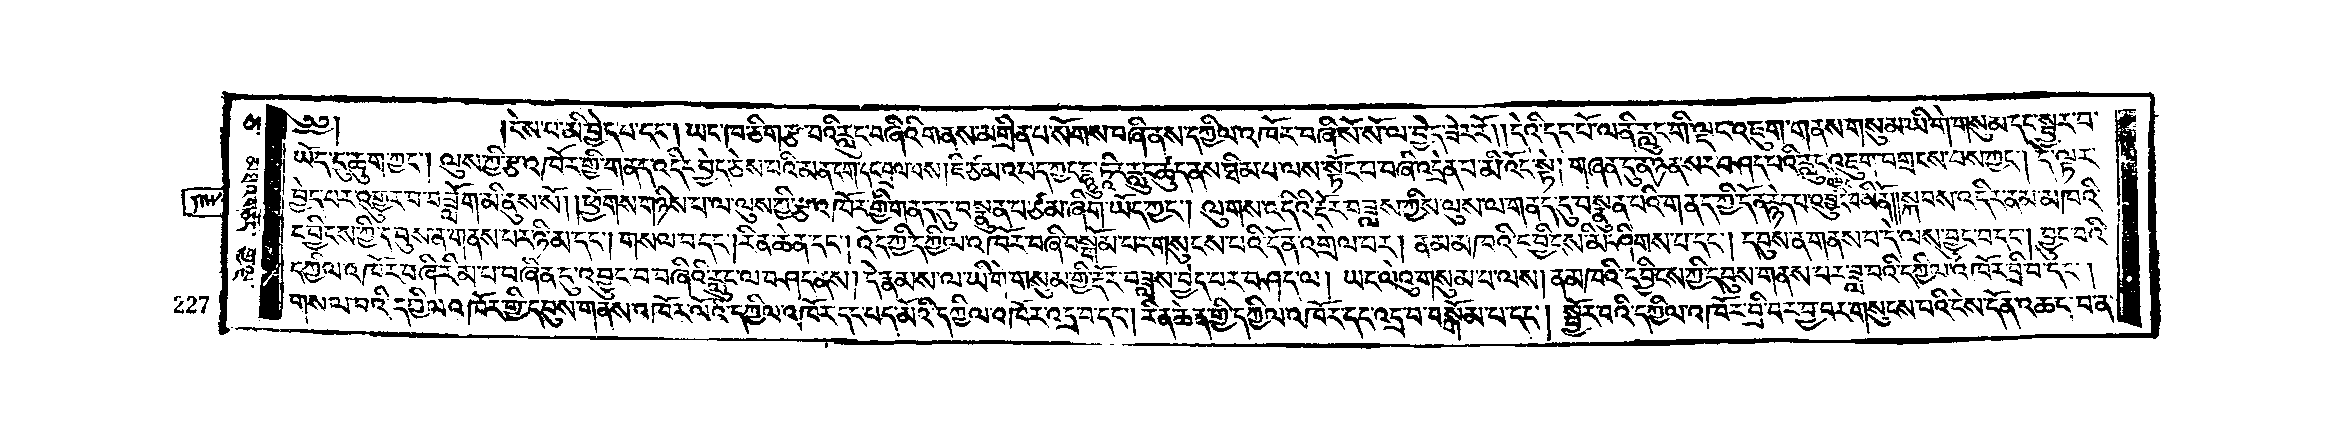༄༅། །ངེས་པ་མི་བྱེད་པ་དང་། ཡང་ཁ་ཅིག་རྩ་བའི་རླུང་བཞིའི་གནས་མགྲིན་པ་སོགས་བཞི་ནས་དཀྱིལ་འཁོར་བཞི་སོ་སོ་ལ་བྱེད་ཟེར་རོ། །དེའི་དང་པོ་ལ་ནི་རླུང་གི་ལྡང་འཇུག་གནས་གསུམ་ཡི་གེ་གསུམ་དང་སྦྱར་བ་
ཡོད་དུ་ཆུག་ཀྱང་། ལུས་ཀྱི་རྩ་འཁོར་གྱི་གནད་འདིར་བྱེད་ཅེས་པའི་མན་ངག་དང་བྲལ་བས། ཇི་ཙམ་འབད་ཀྱང་དྷཱུ་ཏཱིར་རླུང་ཚུད་ནས་ཐིམ་པ་ལས་སྟོང་པ་བཞི་འདྲེན་པ་མི་འོང་སྟེ། གཞན་དུ་ན་ཉན་སར་བཤད་པའི་རླུང་འབྱུང་འཇུག་བགྲངས་པས་ཀྱང་། དེ་ལྟར་
བྱེད་པར་འགྱུར་བ་བཟློག་མི་ནུས་སོ། །ཕྱོགས་གཉིས་པ་ལ་ལུས་ཀྱི་རྩ་འཁོར་གྱི་གནད་དུ་བསྣུན་པ་ཙམ་ཞིག་ཡོད་ཀྱང་། ལུགས་འདིའི་རྡོར་བཟླས་ཀྱིས་ལུས་ལ་གནད་དུ་བསྣུན་པའི་གནད་ཀྱི་དོན་རྙེད་པ་འབྱུང་བ་?་མིན་ནོ། །སྐབས་འདིར་ནམ་མཁའི་
དབྱིངས་ཀྱི་དབུས་ན་གནས་པར་ཉི་མ་དང་། གསལ་བ་དང་། རིན་ཆེན་དང་། འོད་ཀྱི་དཀྱིལ་འཁོར་བཞི་བསྒོམ་པར་གསུངས་པའི་དོན་འགྲེལ་པར། ནམ་མཁའི་དབྱིངས་མི་ཤིགས་པ་དང་། དབུས་ན་གནས་པ་དེ་ལས་བྱུང་བ་དང་། བྱུང་བའི་
དཀྱིལ་འཁོར་བཞི་རིམ་པ་བཞིན་དུ་འབྱུང་བ་བཞིའི་རླུང་ལ་བཤད་ནས། དེ་རྣམས་ལ་ཡི་གེ་གསུམ་གྱི་རྡོར་བཟླས་བྱེད་པར་བཤད་ལ། ཡང་ལེའུ་གསུམ་པ་ལས། ནམ་མཁའི་དབྱིངས་ཀྱི་དབུས་གནས་པར་ཟླ་བའི་དཀྱིལ་འཁོར་བྲི་བ་དང་།
གསལ་བའི་དཀྱིལ་འཁོར་གྱི་དབུས་གནས་འཁོར་ལོའི་དཀྱིལ་འཁོར་དང་པད་མོའི་དཀྱིལ་འཁོར་འདྲ་བ་དང་། རིན་ཆེན་གྱི་དཀྱིལ་འཁོར་དང་འདྲ་བ་བསྒོམ་པ་དང་། སྦྱོར་བའི་དཀྱིལ་འཁོར་བྲི་བར་བྱ་བར་གསུངས་པའི་ངེས་དོན་འཆད་བ་ན་